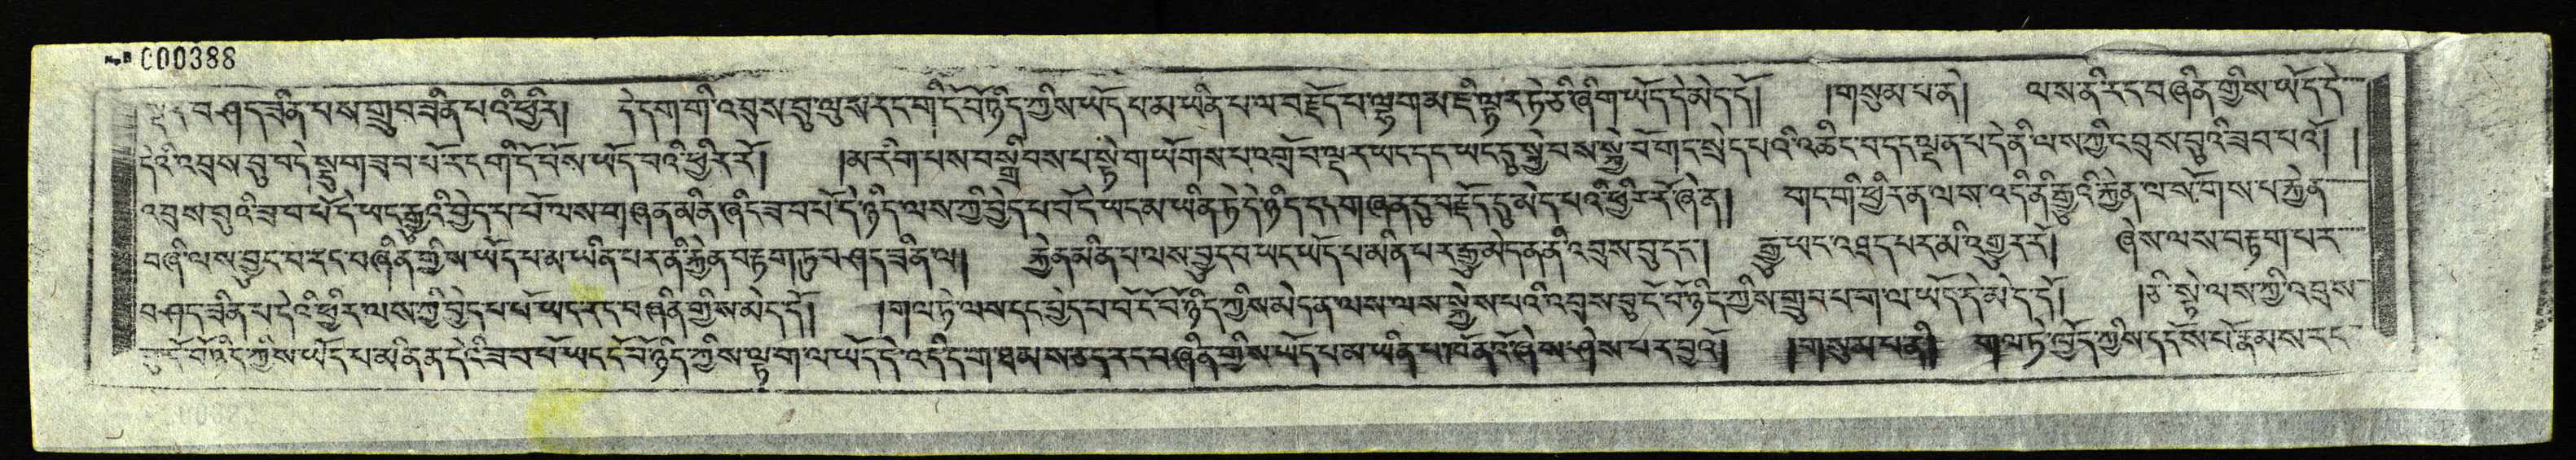སྔར་བཤད་ཟིན་པས་གྲུབ་ཟིན་པའི་ཕྱིར། དེ་དག་གི་འབྲས་བུ་ལུས་རང་གི་ངོ་བོ་ཉིད་ཀྱིས་ཡོད་པ་མ་ཡིན་པ་ལ་བརྗོད་པ་ལྷག་མ་ཇི་ལྟར་ཏེ་ཅི་ཞིག་ཡོད་དེ་མེད་དོ། །གསུམ་པ་ནི། ལས་ནི་རང་བཞིན་གྱིས་ཡོད་དེ་
དེའི་འབྲས་བུ་བདེ་སྡུག་ཟབ་པོ་རང་གི་ངོ་བོས་ཡོད་བའི་ཕྱིར་རོ། །མ་རིག་པས་བསྒྲིབས་པ་སྟེ་གཡོགས་པ་འགྲོ་བ་ལྔར་ཡང་དང་ཡང་དུ་སྐྱེ་བས་སྐྱེ་བོ་གང་སྲེད་པའི་འཆིང་བ་དང་ལྡན་པ་དེ་ནི་ལས་ཀྱི་འབྲས་བུའི་ཟབ་པའོ། །
འབྲས་བུའི་ཟབ་པོ་དེ་ཡང་རྒྱུའི་བྱེད་པ་པོ་ལས་གཞན་མིན་ཞིང་ཟབ་པོ་དེ་ཉིད་ལས་ཀྱི་བྱེད་པ་པོ་དེ་ཡང་མ་ཡིན་ཏེ་དེ་ཉིད་དང་གཞན་དུ་བརྗོད་དུ་མེད་པའི་ཕྱིར་རོ་ཞེ་ན། གང་གི་ཕྱིར་ན་ལས་འདི་ནི་རྒྱུའི་རྐྱེན་ལ་སོགས་པ་རྐྱེན་
བཞི་ལས་བྱུང་བ་རང་བཞིན་གྱིས་ཡོད་པ་མ་ཡིན་པར་ནི་རྐྱེན་བརྟག་ཏུ་བཤད་ཟིན་ལ། རྐྱེན་མིན་པ་ལས་བྱུང་བ་ཡང་ཡོད་པ་མིན་པར་རྒྱུ་མེད་ན་ནི་འབྲས་བུ་དང་། རྒྱུ་ཡང་འཐད་པར་མི་འགྱུར་རོ། ཞེས་ལས་བརྟག་པར་
བཤད་ཟིན་པ་དེའི་ཕྱིར་ལས་ཀྱི་བྱེད་པ་པོ་ཡང་རང་བཞིན་གྱིས་མེད་དོ། །གལ་ཏེ་ལས་དང་བྱེད་པ་པོ་ངོ་བོ་ཉིད་ཀྱིས་མེད་ན་ལས་ལས་སྐྱེས་པའི་འབྲས་བུ་ངོ་བོ་ཉིད་ཀྱིས་གྲུབ་པ་ག་ལ་ཡོད་དེ་མེད་དོ། །ཅི་སྟེ་ལས་ཀྱི་འབྲས་
བུ་ངོ་བོ་ཉིད་ཀྱིས་ཡོད་པ་མིན་ན་དེའི་ཟབ་པོ་ཡང་ངོ་བོ་ཉིད་ཀྱིས་ལྟ་ག་ལ་ཡོད་དེ་འདི་དག་ཐམས་ཅད་རང་བཞིན་གྱིས་ཡོད་པ་མ་ཡིན་པ་ཁོ་ནའོ་ཞེས་ཤེས་པར་བྱའོ། །གསུམ་པ་ནི། གལ་ཏེ་ཁྱོད་ཀྱིས་དངོས་པོ་རྣམས་རང་